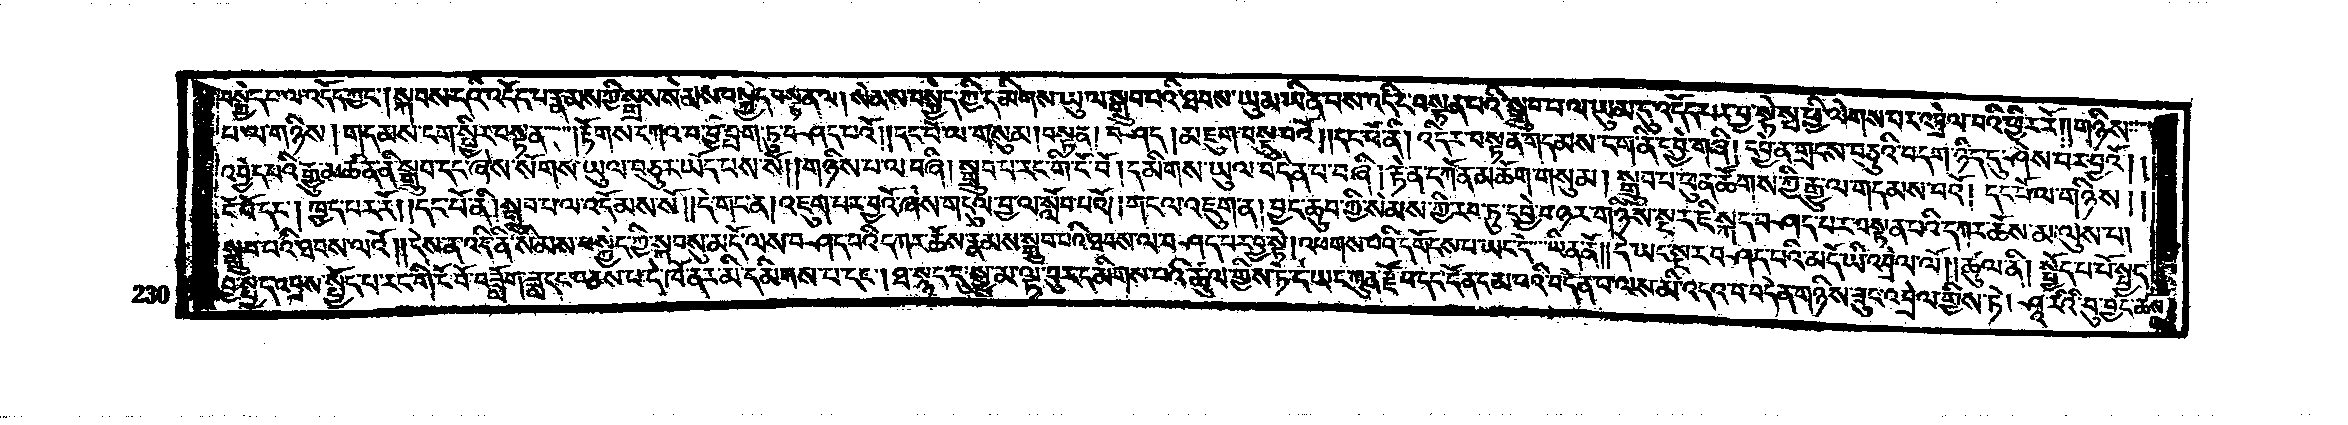བསྐྱེད་པ་ལ་འདོད་ཀྱང་། སྐབས་དེའི་འདོད་པ་རྣམས་ཀྱི་སྒྲས་སེམས་བསྐྱེད་བསྟན་ལ། སེམས་བསྐྱེད་ཀྱི་དམིགས་ཡུལ་སྒྲུབ་པའི་ཐབས་ཡུམ་ཡིན་པས་འདིར་བསྟན་པའི་སྒྲུབ་པ་ལ་ཡུམ་དུ་འདོད་པར་བྱ་སྟེ་སྔ་ཕྱི་ལེགས་པར་འབྲེལ་བའི་ཕྱིར་རོ། །གཉིས་
པ་ལ་གཉིས། གདམས་ངག་སྤྱིར་བསྟན། རྟོགས་དཀའ་བ་བྱེ་བྲག་ཏུ་བཤད་པའོ། །དང་པོ་ལ་གསུམ། བསྟན། བཤད། མཇུག་བསྡུ་བའོ། །དང་པོ་ནི། འདིར་བསྟན་གདམས་ངག་ནི་དབྱེ་གཞི། དབྱེ་ན་གྲངས་བཅུའི་བདག་ཉིད་དུ་ཤེས་པར་བྱའོ། །
འབྱེད་པའི་རྒྱུ་མཚན་ནི་སྒྲུབ་དང་ཞེས་སོགས་ཡུལ་བཅུར་ཡོད་པས་སོ། །གཉིས་པ་ལ་བཞི། སྒྲུབ་པ་རང་གི་ངོ་བོ། དམིགས་ཡུལ་བདེན་པ་བཞི། རྟེན་དཀོན་མཆོག་གསུམ། སྒྲུབ་པ་ཕུན་ཚོགས་ཀྱི་རྒྱུ་ལ་གདམས་པའོ། དང་པོ་ལ་གཉིས། །
ངོ་བོ་དང་། ཁྱད་པར་རོ། །དང་པོ་ནི། སྒྲུབ་པ་ལ་འདོམས་སོ། །དེ་གང་ན། འཇུག་པར་བྱའོ་ཞེས་གདུལ་བྱ་ལ་སློབ་པའོ། །གང་ལ་འཇུག་ན། བྱང་ཆུབ་ཀྱི་སེམས་ཀྱི་རབ་ཏུ་དབྱེ་བ་ཉེར་གཉིས་སྔར་ཇི་སྐད་བཤད་པར་བསྟན་པའི་དཀར་ཆོས་མ་ལུས་པ།
སྒྲུབ་པའི་ཐབས་ལའོ། །དེས་ན་འདི་ནི་སེམས་བསྐྱེད་ཀྱི་སྐབས་སུ་མདོ་ལས་བཤད་པའི་དཀར་ཆོས་རྣམས་སྒྲུབ་པའི་ཐབས་ལ་བཤད་པར་བྱ་སྟེ། འཕགས་པའི་དགོངས་པ་ཡང་དེ་ཡིན་ནོ། །དེ་ཡང་སྔར་བཤད་པའི་མདོ་ཡི་འབྲེལ་ལོ། །ཚུལ་ནི། སྤྱོད་པ་པོ་སྤྱད་
བྱ་སྤྱད་འབྲས་སྤྱོད་པ་རང་གི་ངོ་བོ་བཟློག་ཟླ་དང་བཅས་པ་དེ་ཁོ་ནར་མི་དམིགས་པ་དང་། ཐ་སྙད་དུ་སྒྱུ་མ་ལྟ་བུར་དམིགས་པའི་ཚུལ་གྱིས་ཏེ་དེ་ཡང་ཀུན་རྫོབ་དང་དོན་དམ་པའི་བདེན་པ་ལས་མི་འདའ་བ་བདེན་གཉིས་ཟུང་འབྲེལ་གྱིས་ཏེ། ཤཱ་རིའི་བུ་བྱང་ཆོས་